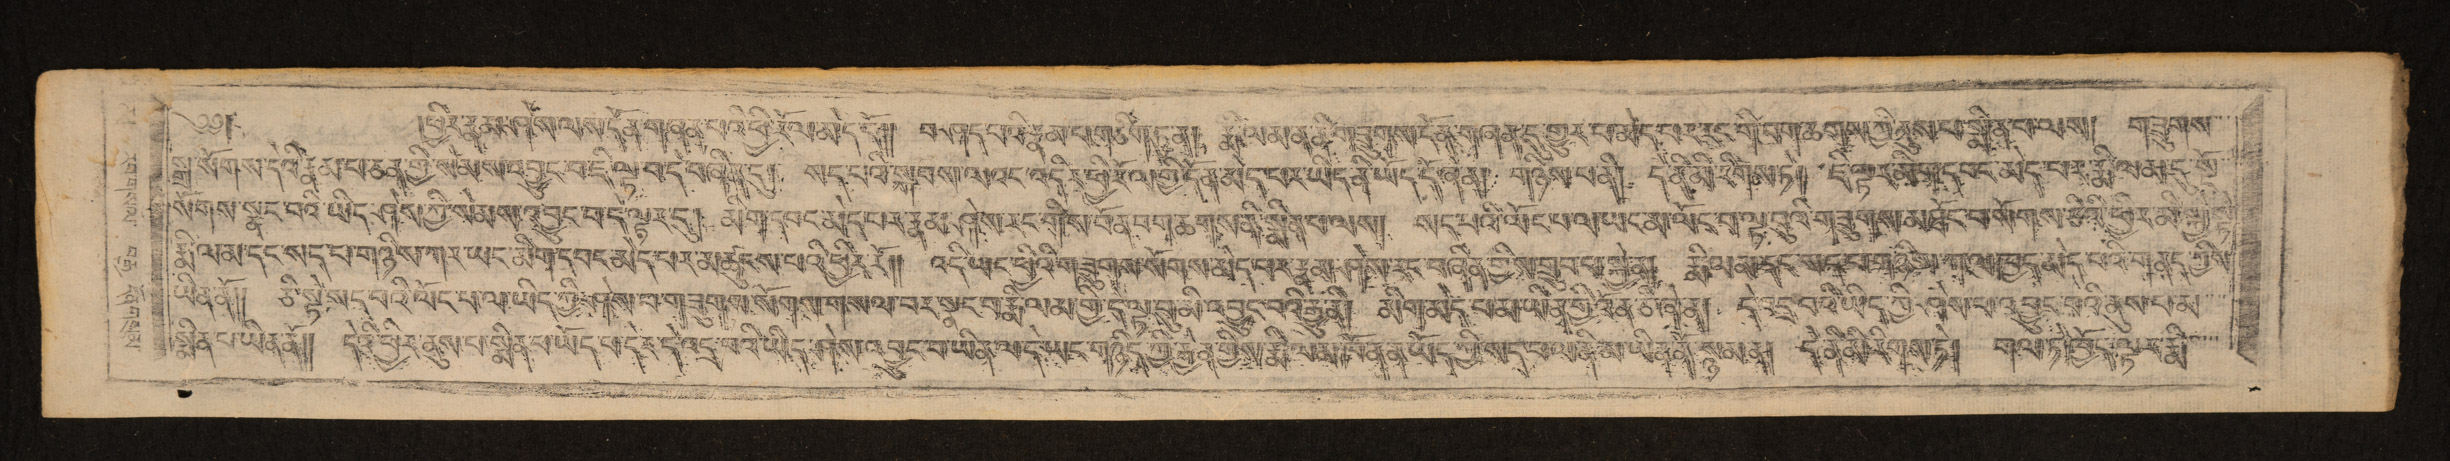༄༅། །ཕྱིར་རྣམ་ཤེས་ལས་དོན་གཞན་པའི་ཕྱི་རོལ་མེད་དོ།། བཤད་པའི་རྣམ་པ་གཅིག་ཏུ་ན། རྨི་ལམ་ན་ནི་གཟུགས་དོན་གཞན་དུ་གྱུར་པ་མེད་པར་རང་གི་བག་ཆགས་ཀྱི་ནུས་པ་སྨིན་པ་ལས། གཟུགས་
སྒྲ་སོགས་དེའི་རྣམ་པ་ཅན་གྱི་སེམས་འབྱུང་བ་ཇི་ལྟ་བ་དེ་བཞིན་དུ། སད་པའི་སྐབས་ལའང་འདིར་ཕྱི་རོལ་གྱི་དོན་མེད་པར་ཡིད་ནི་ཡོད་དོ་ཞེ་ན། གཉིས་པ་ནི། དེ་ནི་མི་རིགས་ཏེ། ཇི་ལྟར་མིག་དབང་མེད་པར་རྨི་ལམ་དུ་སྔོ་
སོགས་སྣང་བའི་ཡིད་ཤེས་ཀྱི་སེམས་འབྱུང་བ་དེ་ལྟར་དུ། མིག་དབང་མེད་པར་རྣམ་ཤེས་རང་གི་ས་བོན་བག་ཆགས་ནི་སྨིན་པ་ལས། སད་པའི་ལོང་བ་ལ་ཡང་མ་ལོང་བ་ལྟ་བུའི་གཟུགས་མཐོང་བ་སོགས་ཅིའི་ཕྱིར་མི་སྐྱེ་སྟེ་
རྨི་ལམ་དང་སད་པ་གཉིས་ཀར་ཡང་མིག་དབང་མེད་པར་མཚུངས་པའི་ཕྱིར་རོ།། འདི་ཡང་ཕྱིའི་གཟུགས་སོགས་མེད་པར་རྣམ་ཤེས་རང་བཞིན་གྱིས་གྲུབ་པ་སྐྱེ་ན། རྨི་ལམ་དང་སད་པ་གཉིས་ཀ་ལ་ཁྱད་མེད་པའི་གནད་ཀྱིས་
ཡིན་ནོ།། ཅི་སྟེ་སད་པའི་ལོང་པ་ལ་ཡིད་ཀྱི་ཤེས་པ་གཟུགས་སོགས་གསལ་བར་སྣང་བ་རྨི་ལམ་གྱི་དེ་ལྟ་བུ་མི་འབྱུང་བའི་རྒྱུ་ནི། མིག་མེད་པ་མ་ཡིན་གྱི་འོ་ན་ཅི་ཞེ་ན། དེ་འདྲ་བའི་ཡིད་ཀྱི་ཤེས་པ་འབྱུང་བའི་ནུས་པ་མ་
སྨིན་པ་ཡིན་ནོ།། དེའི་ཕྱིར་ནུས་པ་སྨིན་པ་ཡོད་པ་དེར་དེ་འདྲ་བའི་ཡིད་ཤེས་འབྱུང་བ་ཡིན་ལ་དེ་ཡང་གཉིད་ཀྱི་རྐྱེན་གྱིས་རྨི་ལམ་ཁོ་ན་ན་ཡོད་ཀྱི་སད་པ་ལ་ནི་མ་ཡིན་ནོ་སྙམ་ན། དེ་ནི་མི་རིགས་ཏེ། གལ་ཏེ་ཁྱོད་ལྟར་རྨི་